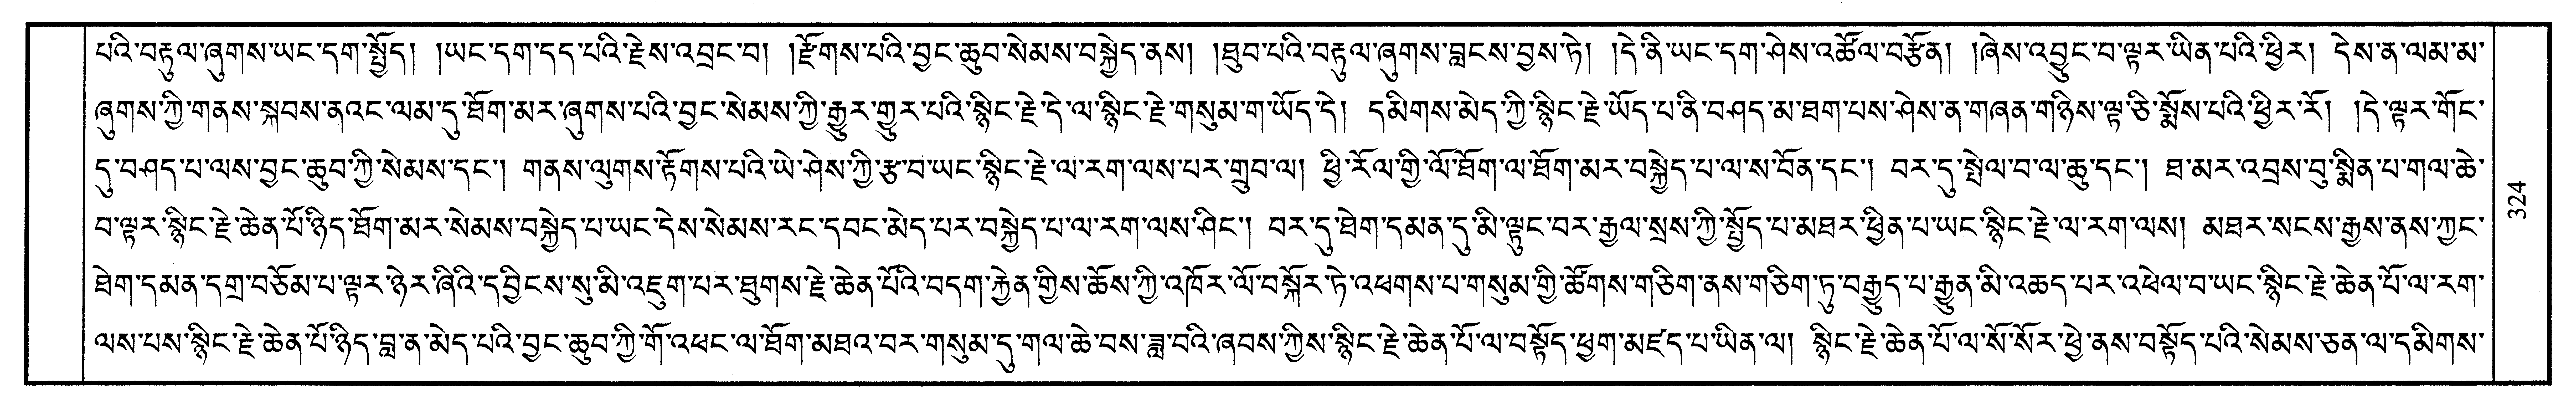པའི་བརྟུལ་ཞུགས་ཡང་དག་སྤྱོད། །ཡང་དག་དད་པའི་རྗེས་འབྲང་བ། །རྫོགས་པའི་བྱང་ཆུབ་སེམས་བསྐྱེད་ནས། །ཐུབ་པའི་བརྟུལ་ཞུགས་བླངས་བྱས་ཏེ། །དེ་ནི་ཡང་དག་ཤེས་འཚོལ་བརྩོན། །ཞེས་འབྱུང་བ་ལྟར་ཡིན་པའི་ཕྱིར། དེས་ན་ལམ་མ་
ཞུགས་ཀྱི་གནས་སྐབས་ནའང་ལམ་དུ་ཐོག་མར་ཞུགས་པའི་བྱང་སེམས་ཀྱི་རྒྱུར་གྱུར་པའི་སྙིང་རྗེ་དེ་ལ་སྙིང་རྗེ་གསུམ་ག་ཡོད་དེ། དམིགས་མེད་ཀྱི་སྙིང་རྗེ་ཡོད་པ་ནི་བཤད་མ་ཐག་པས་ཤེས་ན་གཞན་གཉིས་ལྟ་ཅི་སྨོས་པའི་ཕྱིར་རོ། །དེ་ལྟར་གོང་
དུ་བཤད་པ་ལས་བྱང་ཆུབ་ཀྱི་སེམས་དང་། གནས་ལུགས་རྟོགས་པའི་ཡེ་ཤེས་ཀྱི་རྩ་བ་ཡང་སྙིང་རྗེ་ལ་རག་ལས་པར་གྲུབ་ལ། ཕྱི་རོལ་གྱི་ལོ་ཐོག་ལ་ཐོག་མར་བསྐྱེད་པ་ལ་ས་བོན་དང་། བར་དུ་སྤེལ་བ་ལ་ཆུ་དང་། ཐ་མར་འབྲས་བུ་སྨིན་པ་གལ་ཆེ་
བ་ལྟར་སྙིང་རྗེ་ཆེན་པོ་ཉིད་ཐོག་མར་སེམས་བསྐྱེད་པ་ཡང་དེས་སེམས་རང་དབང་མེད་པར་བསྐྱེད་པ་ལ་རག་ལས་ཤིང་། བར་དུ་ཐེག་དམན་དུ་མི་ལྟུང་བར་རྒྱལ་སྲས་ཀྱི་སྤྱོད་པ་མཐར་ཕྱིན་པ་ཡང་སྙིང་རྗེ་ལ་རག་ལས། མཐར་སངས་རྒྱས་ནས་ཀྱང་
ཐེག་དམན་དགྲ་བཅོམ་པ་ལྟར་ཉེར་ཞིའི་དབྱིངས་སུ་མི་འཇུག་པར་ཐུགས་རྗེ་ཆེན་པོའི་བདག་རྐྱེན་གྱིས་ཆོས་ཀྱི་འཁོར་ལོ་བསྐོར་ཏེ་འཕགས་པ་གསུམ་གྱི་ཚོགས་གཅིག་ནས་གཅིག་ཏུ་བརྒྱུད་པ་རྒྱུན་མི་འཆད་པར་འཕེལ་བ་ཡང་སྙིང་རྗེ་ཆེན་པོ་ལ་རག་
ལས་པས་སྙིང་རྗེ་ཆེན་པོ་ཉིད་བླ་ན་མེད་པའི་བྱང་ཆུབ་ཀྱི་གོ་འཕང་ལ་ཐོག་མཐའ་བར་གསུམ་དུ་གལ་ཆེ་བས་ཟླ་བའི་ཞབས་ཀྱིས་སྙིང་རྗེ་ཆེན་པོ་ལ་བསྟོད་ཕྱག་མཛད་པ་ཡིན་ལ། སྙིང་རྗེ་ཆེན་པོ་ལ་སོ་སོར་ཕྱེ་ནས་བསྟོད་པའི་སེམས་ཅན་ལ་དམིགས་